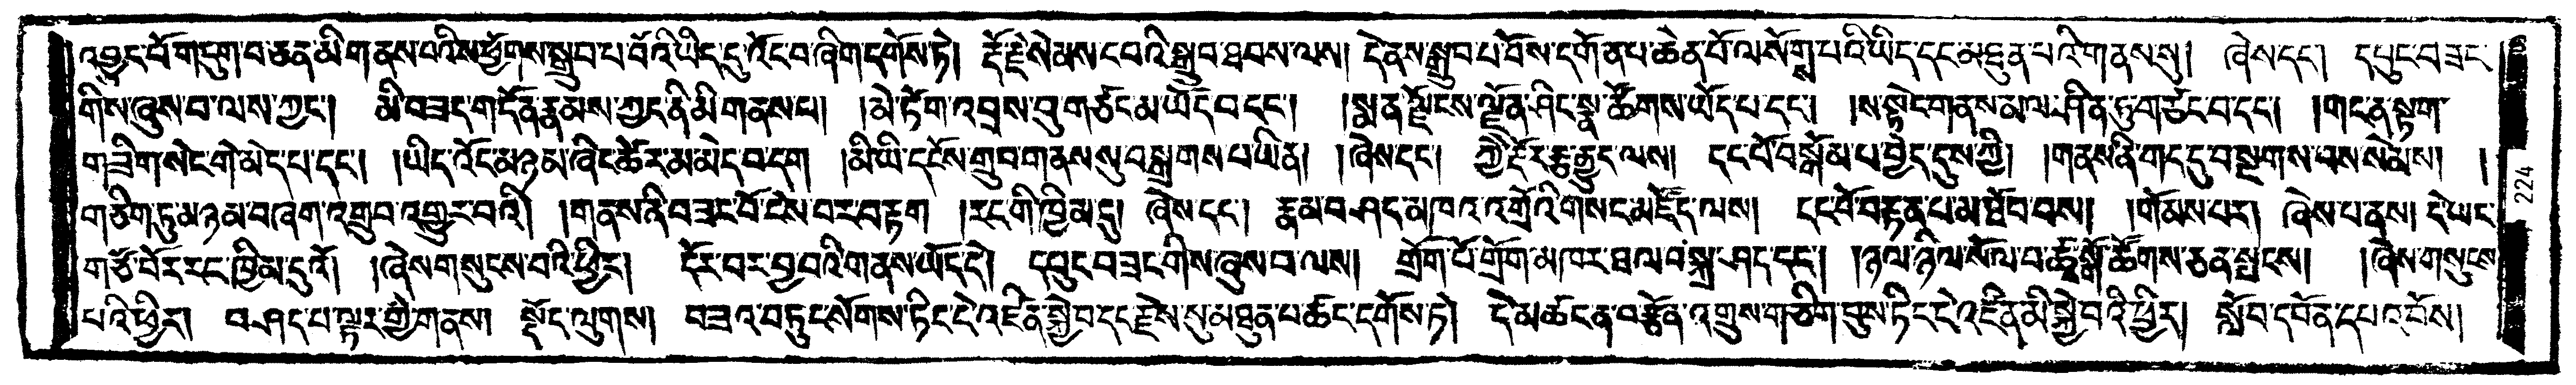འབྱུང་པོ་གདུག་པ་ཅན་མི་གནས་པའི་ས་ཕྱོགས་སྒྲུབ་པ་བོའི་ཡིད་དུ་འོང་བ་ཞིག་དགོས་ཏེ། རྡོ་རྗེ་སེམས་དཔའི་སྒྲུབ་ཐབས་ལས། དེ་ནས་སྒྲུབ་པ་བོས་དགོན་པ་ཆེན་པོ་ལ་སོགས་པའི་ཡིད་དང་མཐུན་པའི་གནས་སུ། ཞེས་དང་། དཔུང་བཟང་
གིས་ཞུས་བ་ལས་ཀྱང་། མི་བཟད་གདོན་རྣམས་ཀྱང་ནི་མི་གནས་པ། །མེ་ཏོག་འབྲས་བུ་གཙང་མ་ཡོད་པ་དང་། །སྨན་ལྗོངས་ལྗོན་ཤིང་སྣ་ཚོགས་ཡོད་པ་དང་། །ས་སྟེང་གནས་མལ་ཤིན་ཏུ་གཙང་བ་དང་། །གང་ན་སྟག་
གཟིག་སེང་གེ་མེད་པ་དང་། །ཡིད་འོང་མཉམ་ཞིང་ཚེར་མ་མེད་བ་དག །མི་ཡི་དངོས་གྲུབ་གནས་སུ་བསྒྲགས་པ་ཡིན། །ཞེས་དང་། ཀྱཻ་རྡོར་རྩ་རྒྱུད་ལས། དང་པོ་བསྒོམ་པ་བྱེད་དུས་ཀྱི། །གནས་ནི་གང་དུ་བསྔགས་བས་སེམས། །
གཅིག་ཏུ་མཉམ་བཞག་འགྲུབ་འགྱུར་བའི། །གནས་ནི་བཟང་པོ་ངེས་བར་བརྟག །རང་གི་ཁྱིམ་དུ། ཞེས་དང་། རྣམ་བཤད་མཁའ་འགྲོའི་གསང་མཛོད་ལས། དང་པོ་བརྟན་པ་མ་ཐོབ་བས། །གོམས་པར། ཞེས་པ་ནས། དེ་ཡང་
གཙོ་བོར་རང་ཁྱིམ་དུའོ། །ཞེས་གསུངས་པའི་ཕྱིར། དོར་བར་བྱ་བའི་གནས་ཡོད་དེ། དཔུང་བཟང་གིས་ཞུས་པ་ལས། གྲོག་པོ་གྲོག་མཁར་ཐལ་བ་སྐྲ་ཤད་དང་། །ཉལ་ཉིལ་སོལ་བ་ཚྭ་སྒོ་ཚོགས་ཅན་སྤངས། །ཞེས་གསུངས་
པའི་ཕྱིར། བཤད་པ་ལྟར་གྱི་གནས། སྡོད་ལུགས། བཟའ་བཏུང་སོགས་ཏིང་ངེ་འཛིན་སྐྱེ་བ་དང་རྗེས་སུ་མཐུན་པ་ཚང་དགོས་ཏེ། དེ་མཚང་ན་བརྩོན་འགྲུས་གཅིག་པུས་ཏིང་ངེ་འཛིན་མི་སྐྱེ་བའི་ཕྱིར། སློབ་དཔོན་དཔའ་བོས།